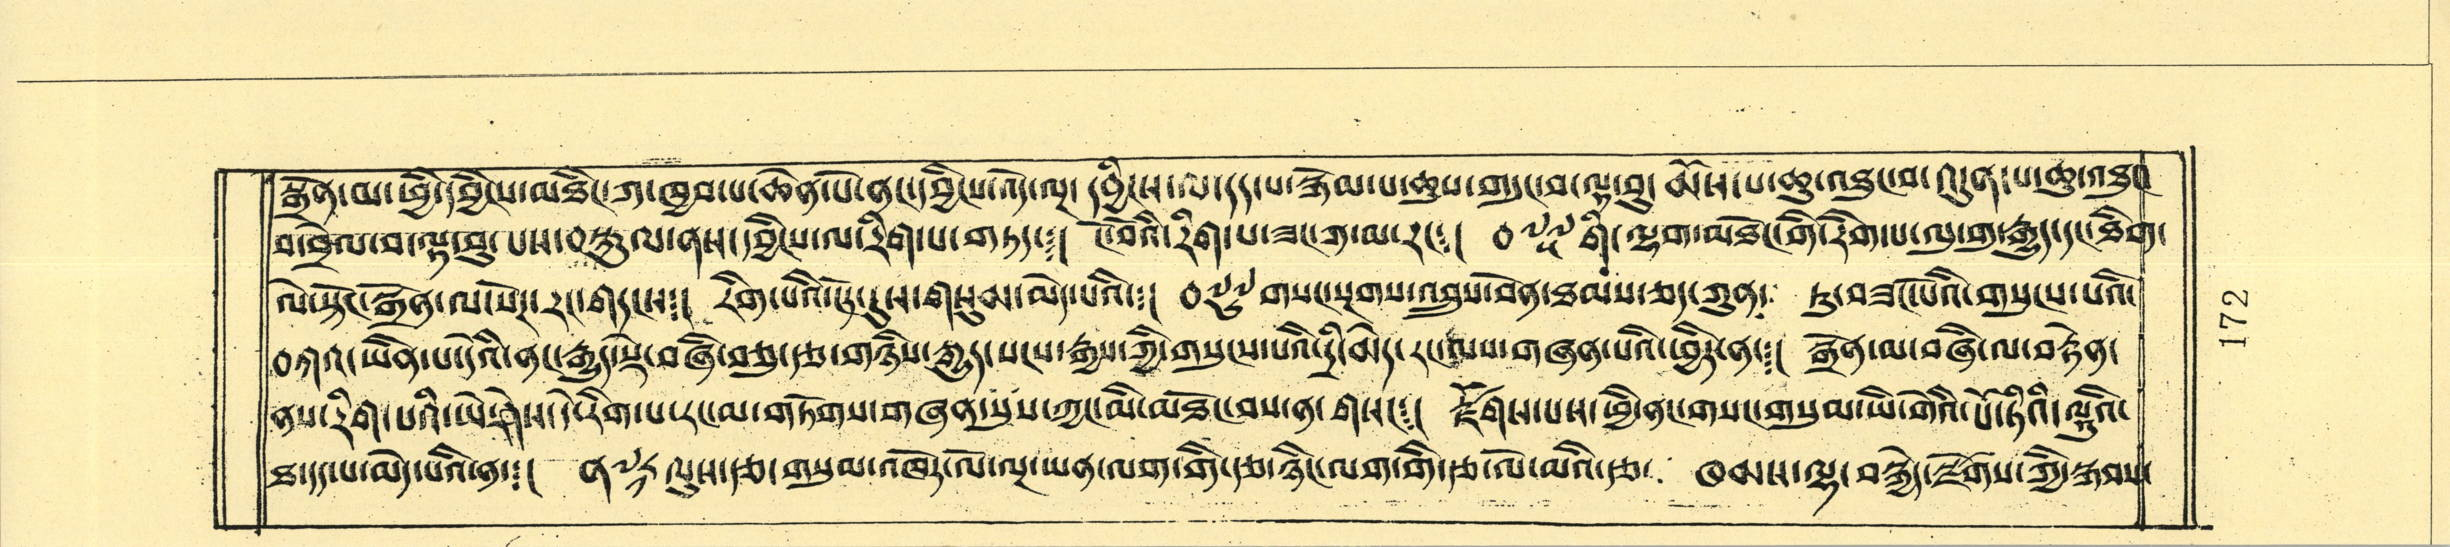སྒྲོན་མ་ཕྱི་དབྱིངས་མཐིང་ཀ་ཁྱབ་པ་ཆེན་པོ་ནང་དབྱིངས་འོད་ལྔ་དབྱིངས་ལ་དད་པ་སྐོམ་པ་ཆུས་གདུང་བ་ལྟ་བུ་ མོས་པ་ཆུ་འཐུང་བ་འདུན་པ་ཆུ་འཐུང་
བ་བྲེལ་བ་ལྟ་བུ་པས་བསྐུལ་ནས་དབྱིངས་ལ་རིག་པ་གཏད་ ངོ་བོའི་རིག་པ་ཟང་ཀ་མ་རང་ བ༧༧།༥གི་ལྷག་མཐོང་གི་རིག་པ་ལུ་གུ་རྒྱུད་དུ་དང་ཐིག་
ལེ་སྟོང་པའི་སྒྲོན་མ་སོགས་རང་གདངས་ རིག་པའི་ངོར་དུས་གསུམ་མེད་པའིི་ བ༧༧།༦གསང་སྔགས་འབྲས་བུ་བོན་ཐམས་ཅད་ཀུན་ ཏུ་བཟང་པོས་གསུངས་པའི་
བཀའ་ཡིན་པ་དེའི་ནང་རྒྱུད་སྡེ་བཞི་བཅུ་རྩ་གཉིས་རྒྱུད་སངས་རྒྱས་ཀྱིས་གསུངས་པའི་དྲི་མེད་རང་ལས་གཞན་པའི་ཕྱིར་ན། སྒྲོན་མ་བཞི་ལ་བརྟེན་
ནས་རིོག་པའི་ཡེ་ཤེས་དེ་རིག་པ་རང་མ་གཏོགས་གཞན་སུས་ཀྱང་མི་མཐོང་བས་ན་གསང་ རྫོགས་པས་ཕྱི་ནང་གསང་གསུམ་ཡི་གེའི་པོ་ཏིའི་ལྟ་བུའི་
ཐ་དད་པ་མེད་པས་ན་ ན༧༨།༡ལུས་རྩ་གསུམ་འཁོར་ལོ་ལྔ་ཡན་ལག་གི་རྩ་ཉིང་ལག་གི་རྩ་ལོ་མའི་རྩ། ཁམས་ལྷ་བསྐྱེད་རྫོགས་ཀྱི་སྐབས་